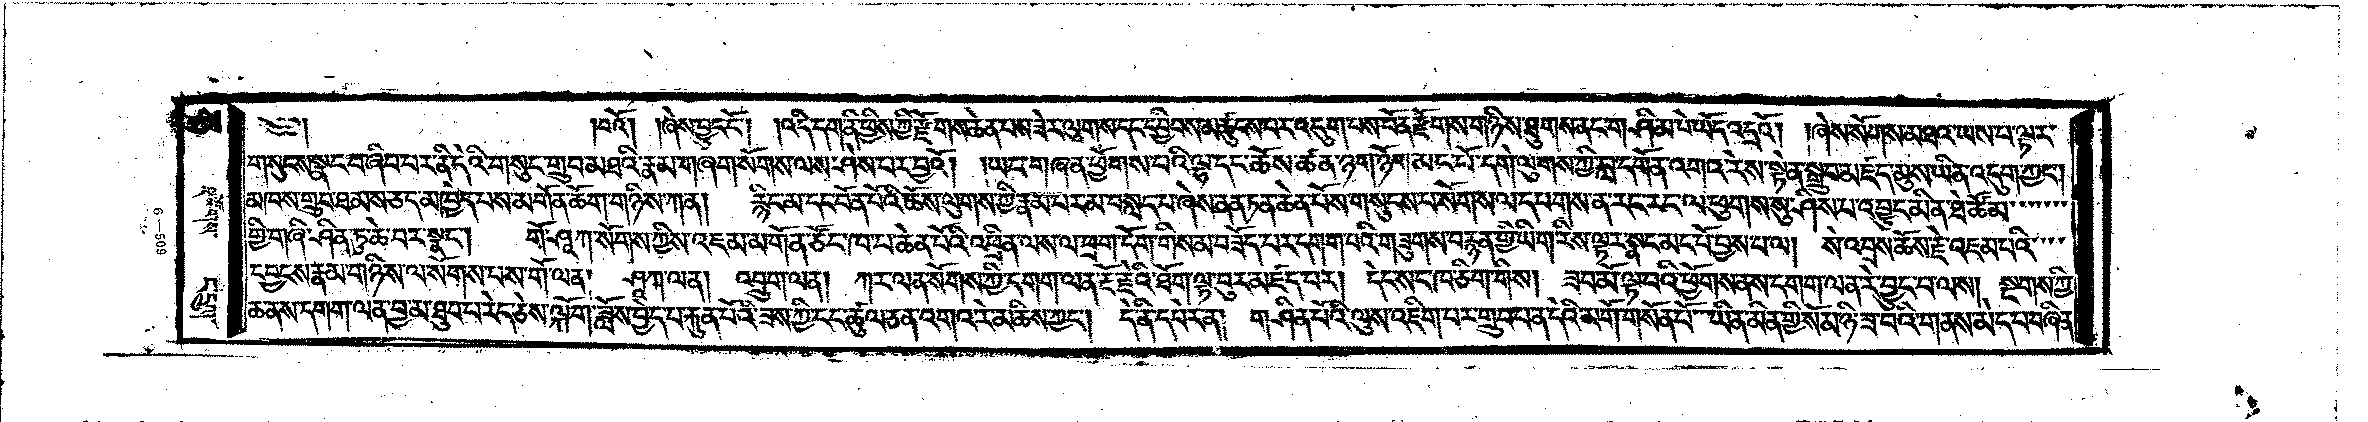༄༅། །བའོ། །ཞེས་བྱུང་ངོ། །འདི་དག་ནི་ཕྱིས་ཀྱི་རྫོགས་ཆེན་པས་ཟེར་ལུགས་དང་དབྱིབས་མཚུངས་པར་འདུག་པས་བོན་རྫོགས་གཉིས་ཐུགས་ནང་གཤིམ་པེ་ཡོད་འདྲའོ། །ཞེས་སོགས་མཐའ་ཡས་པ་ལྟར་
གསུངས་སྣང་བ་ཞིབ་པར་ནི་དེའི་གསུང་གྲུབ་མཐའི་རྣམ་གཞག་སོགས་ལས་ཤེས་པར་བྱའོ། །ཡང་གཞན་ཕྱོགས་པའི་ལྷ་དང་ཆོས་ཚན་ཉག་ཉོག་མང་པོ་དགེ་ལུགས་ཀྱི་བླ་དགོན་འགའ་རེས་སྟེན་སྒྲུབ་མཛད་མུས་ཡིན་འདུག་ཀྱང་།
མཁས་གྲུབ་ཐམས་ཅད་མཁྱེན་པས་མགོན་ཆོག་གཉིས་ཀ་ན། རྙིང་མ་དང་བོན་པོའི་ཆོས་ལུགས་ཀྱི་རྣམ་པར་མ་བསླད་པ་ཞེས་ནན་ཏན་ཆེན་པོས་གསུངས་པ་སོགས་ལ་དཔགས་ན་རང་རང་ལ་ཕུགས་སུ་ཤིས་པ་འབྱུང་མིན་ཐེ་ཚོམ་
གྱི་གཞི་ཤིན་ཏུ་ཆེ་བར་སྣང་། གོ་ཤཱཀ་སོགས་ཀྱིས་འཇམ་མགོན་ཙོང་ཁ་པ་ཆེན་པོའི་འཕྲིན་ལས་ལ་ཕྲག་དོག་གིས་མ་བཟོད་པར་དགག་པའི་གཟུགས་བསྙན་གྱི་ཡིག་རིས་ལྟར་སྣང་མང་པོ་བྱས་པ་ལ། སེ་འབྲས་ཆོས་རྗེ་འཇམ་པའི་
དབྱངས་རྣམ་གཉིས་ལ་སོགས་པས་གོ་ལན། ཤཱཀ་ལན། འབྲུག་ལན། ཀར་ལན་སོགས་ཀྱི་དགག་ལན་རྡོ་རྗེའི་ཐོག་ལྟ་བུར་མཛད་པར། དེང་སངས་ཁ་ཅིག་གིས། ཟབ་མོ་ལྟ་བའི་ཕྱོགས་ནས་དགག་ལན་རེ་བྱུང་བ་ལས། སྔགས་ཀྱི་
ཆ་ནས་དགག་ལན་བྱ་མ་ཐུབ་པ་རེད་ཅེས་ལྐོག་ཟློས་བྱེད་པ་རྐུན་པོའི་ཟས་ཀྱི་ངང་ཚུལ་ཅན་འགའ་རེ་མཆིས་ཀྱང་། དེ་ནི་དཔེར་ན། གཤིན་པོའི་ལུས་འཇིག་པར་གྲུབ་པ་ན་དེའི་མགོ་གསོན་པོ་ཡིན་མིན་གྱི་སོ་མ་ཉི་ཟ་བའི་གནས་མེད་བ་བཞིན་